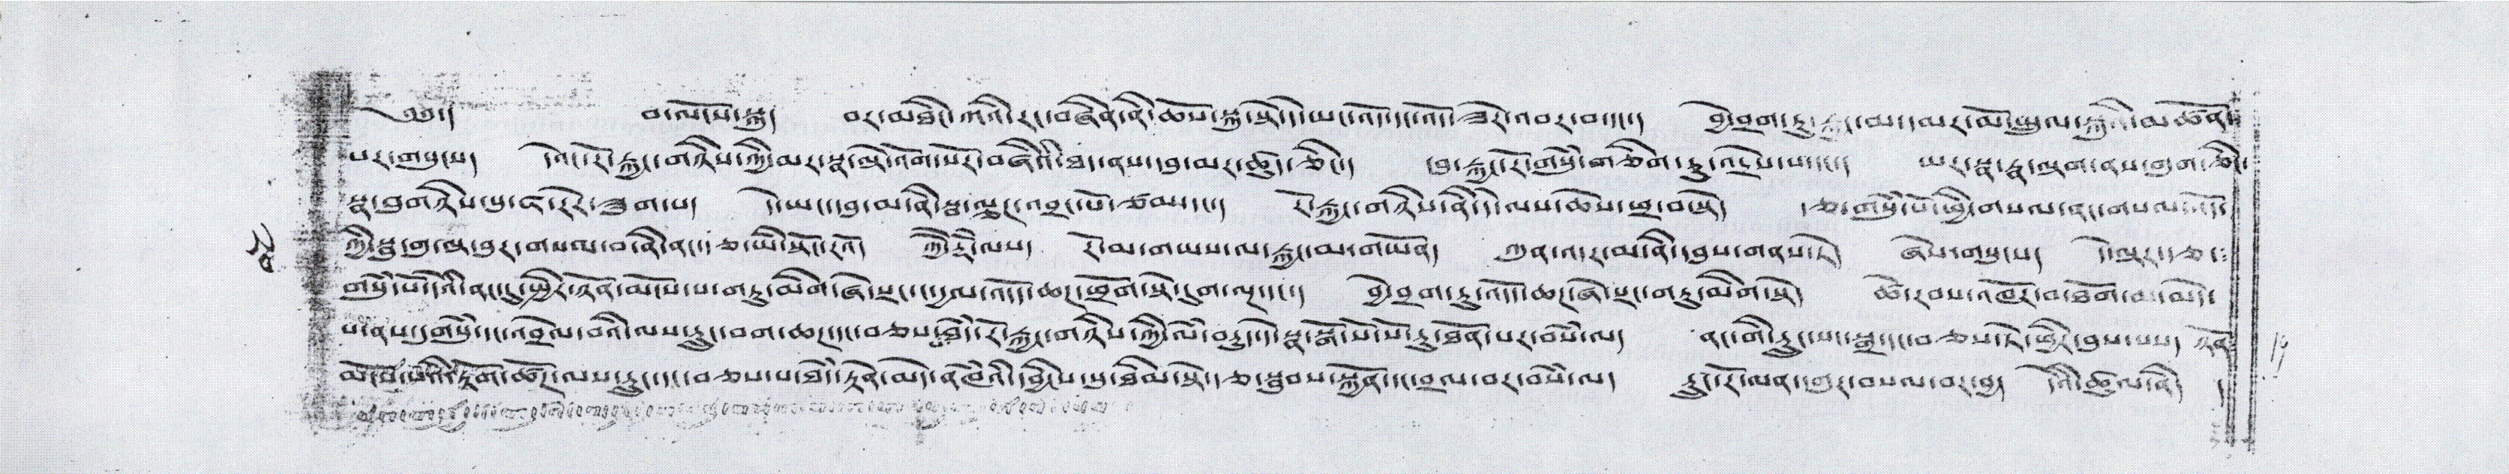བ་ལོངས་སྐུ། བར་མཐིང་ཀའི་རང་བཞིན་ནི་ཆོས་སྐུ་སྟེ་དེ་ཡང་འོད་དང་འོད་ཟེར་འབར་བ་དང་། བྱེ་བྲག་ཏུ་རྐྱང་མ་དམར་མོ་སྤྲུལ་སྐུའི་མཚོན་
པར་གསུངས། དེ་ཡང་རོ་རྐྱང་གཉིས་ཀྱི་མར་སྣ་ལྟེ་འོག་སོར་བཞིའི་ཐད་ནས་དབུ་མར་ཚུད་ཅིང་། དབུ་རྐྱང་རོ་གསུམ་གཅིག་ཏུ་འདྲེས་པ་དང་། ཡར་སྣེ་སྣ་ལྟག་ནས་གུག་ཅིང་
སྣ་བུག་གཉིས་སུ་ཧ་རེར་ཟུག་པ། དེ་ཡང་དབུ་མ་ནི་སྦ་ལྕག་འབྲིང་པོ་ཙམ་དང་། རོ་རྐྱང་གཉིས་ནི་དེ་ལས་ཆེས་ཕྲ་བ་སྟེ། རྩ་གསུམ་པོ་ཕྱི་གསལ་ནང་གསལ་འོད་
ཀྱི་སྦུ་གུ་ལྟ་བུ་གསལ་བ་ནི་ནང་རྩ་ཡི་སྟོང་རའོ། ཀྱེ་རྡོ་རྗེ་ལས། རོ་མ་གཡས་ལ་རྐྱང་མ་གཡོན། ཀུན་འདར་མ་ནི་དབུས་གནས་ཏེ། ཞེས་གསུངས། དེ་ལྟར་རྩ་
གསུམ་པོ་དེའི་ནང་དུ་ཕྱིར་ཉོན་མོངས་པ་གཏི་མུག་ཞེ་སྡང་ང་རྒྱལ་འདོད་ཆགས་ཕྲག་དོག་སྟེ་དུག་ལྔ་དང་། བྱེ་བྲག་ཏུ་འདོད་ཆགས་ཞེ་སྡང་གཏི་མུག་སྟེ། ཚེ་རབས་འཁོར་བ་ཐོག་མེད་
པ་ནས་དུག་གསུམ་དང་འབྲེལ་བའི་ལས་རླུང་བག་ཆགས་དང་བཅས་པ་ཐམས་ཅད་རོ་རྐྱང་གཉིས་ཀྱི་ལམ་བརྒྱུད་དེ་སྣ་སྒོ་སོ་སོ་རུ་ཐོན་པར་བསམ་ལ། ནང་གི་རླུང་སང་སྒྲ་དང་བཅས་ཏེ་ཕྱིར་བུས་པས། ཉོན་
མོངས་པའི་རྟོག་ཚོགས་ལས་རླུང་བཅས་པ་ཐམས་ཅད་རྟེན་མེད་ནམ་མཁའི་དབྱིངས་སུ་ཐིམ་སྟེ་རྩ་སྦུབས་སྐྱོན་དང་བྲལ་བར་བསམ་ལ། རླུང་རོ་ལན་དགུར་བསལ་བར་བྱ། དེའི་ཚུལ་ནི།